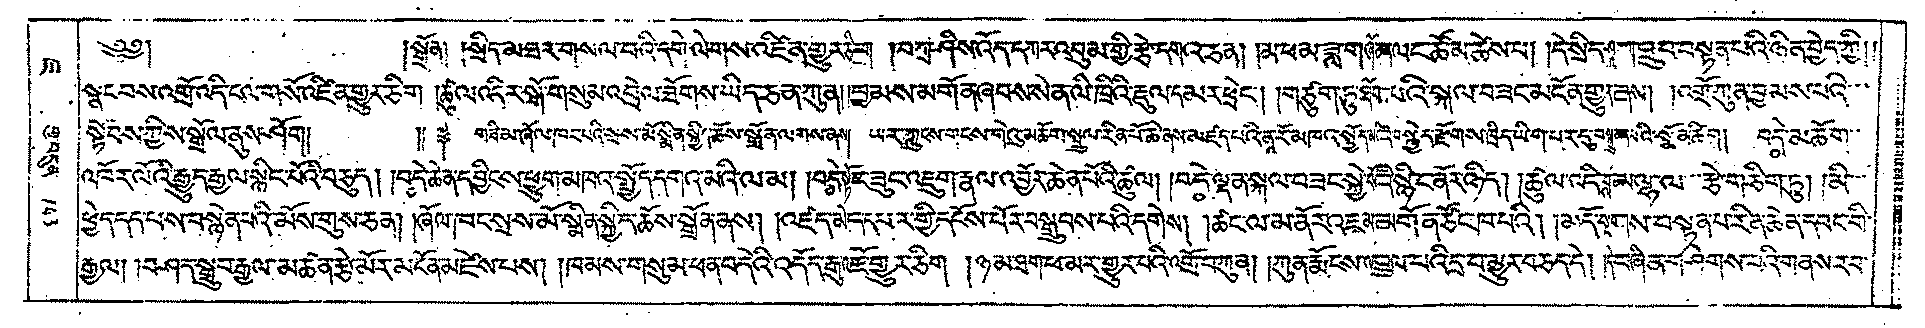༄༅། །སྒྲོན། །སྲིད་མཐར་གསལ་བའི་དགེ་ལེགས་འཛིན་གྱུར་ཅིག །བཀྲ་ཤིས་འོད་དཀར་འབུམ་གྱི་རྩེ་དགའ་ཅན། །མ་ཕམ་ཟླ་གཞོན་ལང་ཚོ་མ་ཚེས་པ། །དེ་སྲིད་ཤཱཀ་ཐུབ་བསྟན་པའི་ཉིན་བྱེད་ཀྱི། །
སྣང་བས་འགྲོ་འདི་ངལ་གསོ་འཛིན་གྱུར་ཅིག །ཚུལ་འདིར་སྒོ་གསུམ་འབྲེལ་ཐོགས་ཡིད་ཅན་ཀུན། །བྱམས་མགོན་ཞབས་སེན་ལི་ཁྲིའི་རྡུལ་དམར་ཕྲེང་། །གཙུག་ཏུ་ཐོབ་པའི་སྐལ་བཟང་མངོན་གྱུར་ནས། །འགྲོ་ཀུན་བྱམས་པའི་
སྟོབས་ཀྱིས་སྒྲོལ་ནུས་ཤོག ། །།༈ གཟིམ་ཞོལ་ཁང་པའི་སྲས་མོ་སྨིན་སྐྱིད་ཆོས་སྒྲོན་ལགས་ནས། ཡར་ཀླུངས་གངས་གེའུ་མཆོག་སྤྲུལ་རིན་པོ་ཆེ་ནས་མཛད་པའི་ནཱ་རོ་མཁའ་སྤྱོད་མའི་བསྐྱེད་རྫོགས་ཁྲིད་ཡིག་པར་དུ་བསྐྲུན་པའི་སྨོན་ཚིག །  བདེ྾་མཆོག་
འཁོར་ལོའི་རྒྱུད་རྒྱལ་སྙིང་པོའི་བཅུད། །བདེ྾་ཆེན་དབྱིངས་ཕྱུག་མཁའ་སྤྱོད་དགའ་མའི་ལམ། །བདེ྾་སྟོང་ཟུང་འཇུག་རྣལ་འབྱོར་ཆེན་པོའི་ཚུལ། །བདེ྾་ལྡན་སྐལ་བཟང་སྐྱེ་བོའི་སྙིང་ནོར་ཉིད། །ཚུལ་འདི་བླ་མ་ལྷ་ལ་རྩེ་གཅིག་ཏུ། །མི་
ཕྱེད་དད་པས་བསྙེན་པའི་མོས་གུས་ཅན། །ཞོལ་ཁང་སྲས་མོ་སྨིན་སྐྱིད་ཆོས་སྒྲོན་ནས། །འཛད་མེད་དཔར་གྱི་དངོས་པོར་བསྒྲུབས་པའི་དགེས། །ཚང་ལ་མ་ནོར་འཇམ་མགོན་ཙོང་ཁ་པའི། །མདོ་སྔགས་བསྟན་པ་རིན་ཆེན་དབང་གི་
རྒྱལ། །བཤད་སྒྲུབ་རྒྱལ་མཚན་རྩེ་མོར་མངོན་མཛེས་པས། །ཁམས་གསུམ་ཕན་བདེའི་འདོད་རྒུ་འཇོ་གྱུར་ཅིག །ཉམ་ཐག་ཕ་མར་གྱུར་པའི་འགྲོ་བ་ཀུན། །ཀུན་རྨོངས་འཁྲུལ་པའི་དྲ་བ་མྱུར་བཅད་དེ། །དེ་བཞིན་གཤེགས་པའི་གནས་རབ་